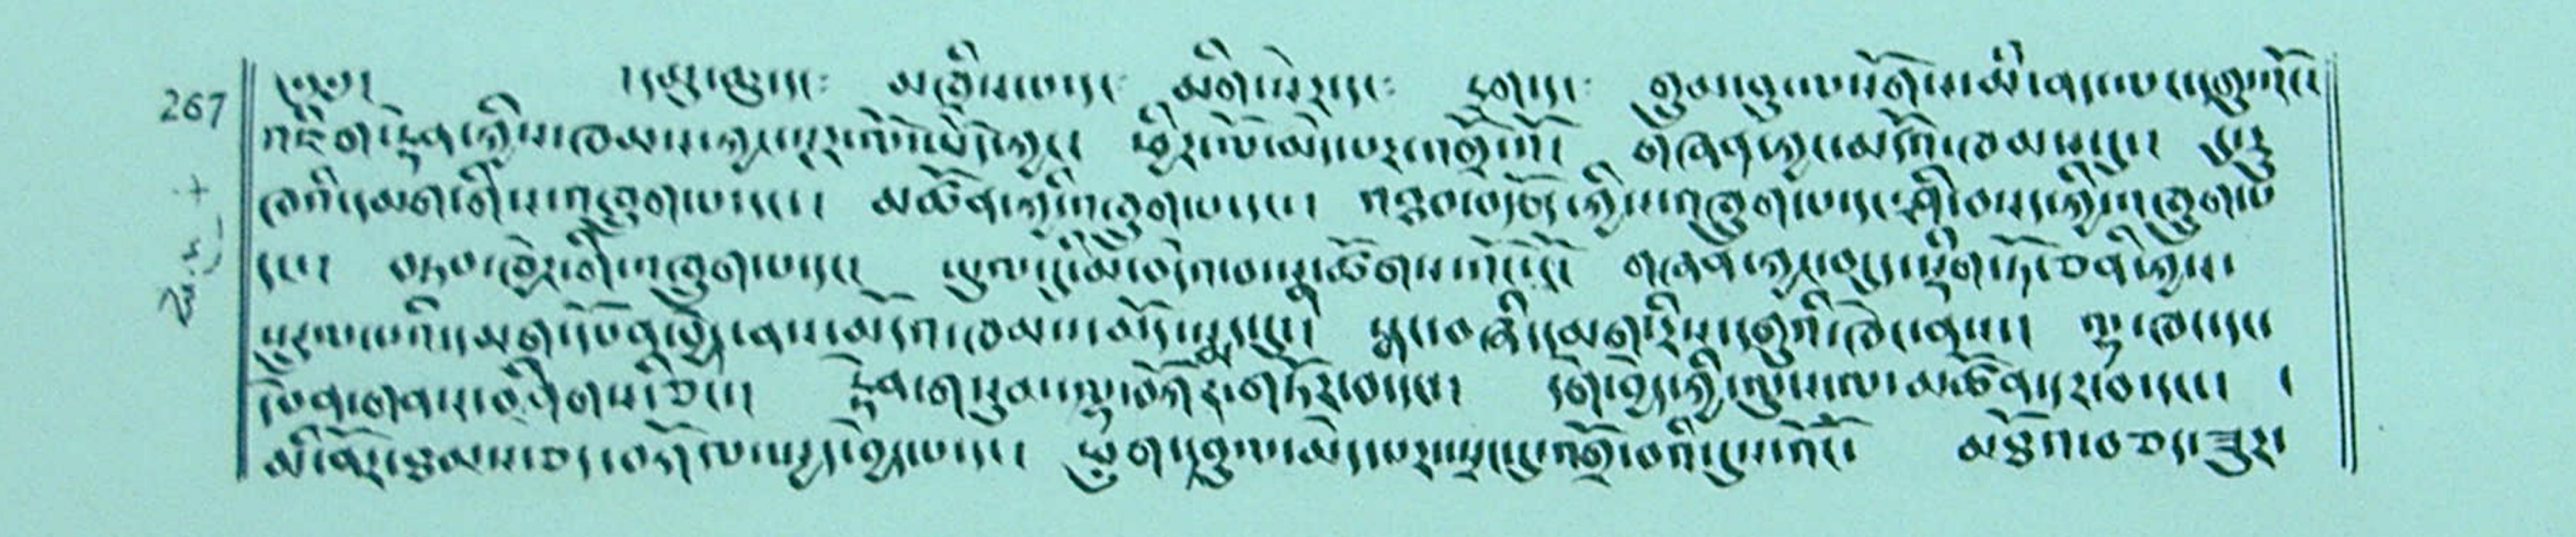༄༅། །དམུ་ཆུ། མཁྲིས་པ། མིག་སེར་དང་། དྲག་དང་། གྲུམ་བུ་ལ་སོགས་མི་ནད་ལང་དགུ་འོང་ངོ་། །
འཇིག་རྟེན་གྱི་ཁམས་ཀྱང་སྔར་ལོ་ཡོད་ཀྱང་། ཕྱིར་ལོ་མེད་པར་འགྲོ་འོ། །གཞན་ཀྱང་མདོ་ཁམས་སུ། དུ་རུ་
ཁའི་དམག་གིས་འཁྲུགས་པ་དང་། མཚོན་གྱི་འཁྲུགས་པ་དང་། འཐབ་རྩོད་ཀྱི་འཁྲུགས་པ་དང་ཤི་བསད་ཀྱི་འཁྲུགས་པ་
དང་། བཏབ་ཁྱེར་གྱི་འཁྲུགས་པ་དང་། ཡུལ་དུ་མི་བདེ་བ་སྣ་ཚོགས་འོང་ངོ་། །གཞན་ཀྱང་བདུད་སྡིག་ཏོ་ཅན་གྱི་
སྤྲུལ་པའི་དམག་དཔོན་བྱས་ནས་མདོ་ཁམས་མདོ་སྨད་དུ། སྒང་བཞི་དམག་རིས་དགུའི་ཁེང་ནས། ལྷ་ཁང་དང་
དབེན་གནས་བཤིགས་ཅིང་། རྟེན་གསུམ་ལྷ་བཀོར་གཏོར་བ་དང་། དགེ་བྱེད་ཀྱི་ལུས་ལ་མཚོན་དར་བ་དང་།
 མི་ནོར་ཐམས་ཅད་བཀོལ་སྤྱོད་བྱེད་པ་དང་། ཕྱུག་དབུལ་མེད་པར་སྤྲང་དུ་འགྲོ་བའི་དུས་འོང་། མཐོ་བཅད་ཟུར་